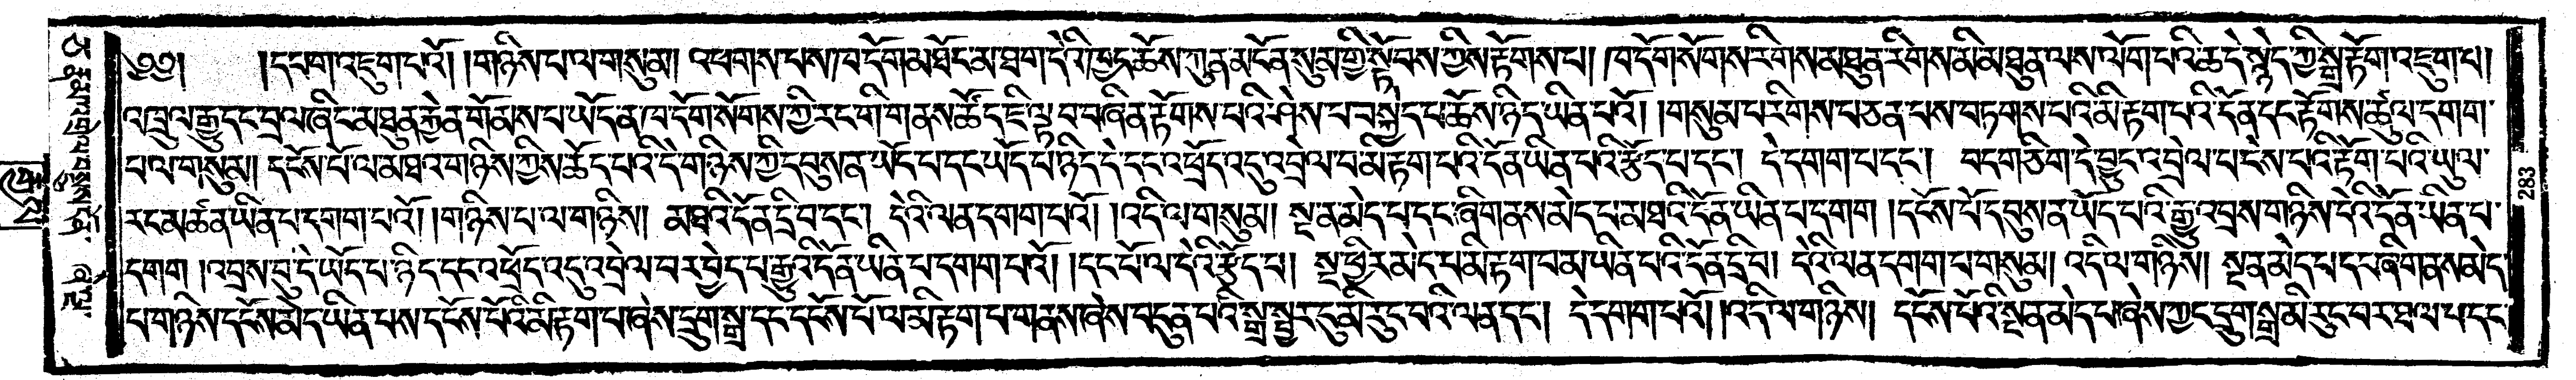༄༅། །དཔག་འཇུག་པའོ། །གཉིས་པ་ལ་གསུམ། འཕགས་པས་ཁ་དོག་མཐོང་མ་ཐག་དེའི་ཁྱད་ཆོས་ཀུན་མངོན་སུམ་གྱི་སྟོབས་ཀྱིས་རྟོགས་པ། ཁ་དོག་སོགས་རིགས་མཐུན་རིགས་མི་མཐུན་ལས་ལོག་པའི་ཆ་དེ་སྙེད་ཀྱི་སྒྲ་རྟོག་འཇུག་པ།
འཁྲུལ་རྒྱུ་དང་བྲལ་ཞིང་མཐུན་རྐྱེན་གོམས་པ་ཡོད་ན་ཁ་དོག་སོགས་ཀྱི་རང་གི་གནས་ཚོད་ཇི་ལྟ་བ་བཞིན་རྟོགས་པའི་ཤེས་པ་བསྐྱེད་པ་ཆོས་ཉིད་ཡིན་པའོ། །གསུམ་པ་རིགས་པ་ཅན་པས་བཏགས་པའི་མི་རྟག་པའི་དོན་དང་རྟོགས་ཚུལ་དགག་
པ་ལ་གསུམ། དངོས་པོ་ལ་མཐའ་གཉིས་ཀྱིས་ཆོད་པའི་དེ་གཉིས་ཀྱི་དབུས་ན་ཡོད་པ་དང་ཡོད་པ་ཉིད་དེ་དང་འཕྲོད་འདུ་འབྲེལ་བ་མི་རྟག་པའི་དོན་ཡིན་པའི་རྩོད་པ་དང་། དེ་དགག་པ་དང་། བདག་ཅིག་དེ་བྱུང་འབྲེལ་པ་ངེས་པའི་རྟོག་པའི་ཡུལ་
རང་མཚན་ཡིན་པ་དགག་པའོ། །གཉིས་པ་ལ་གཉིས། མཐའི་དོན་དྲི་བ་དང་། དེའི་ལན་དགག་པའོ། །འདི་ལ་གསུམ། སྔ་ན་མེད་པ་དང་ཞིག་ནས་མེད་པ་མཐའི་དོན་ཡིན་པ་དགག །དངོས་པོ་དབུས་ན་ཡོད་པའི་རྒྱུ་འབྲས་གཉིས་དེའི་དོན་ཡིན་པ་
དགག །འབྲས་བུ་དེ་ཡོད་པ་ཉིད་དང་འཕྲོད་འདུ་འབྲེལ་བར་བྱེད་པ་རྒྱུའི་དོན་ཡིན་པ་དགག་པའོ། །དང་པོ་ལ་དེའི་རྩོད་པ། སྔ་ཕྱིར་མེད་པ་མི་རྟག་པ་མ་ཡིན་པའི་དོན་དྲི་བ། དེའི་ལན་དགག་པ་གསུམ། འདི་ལ་གཉིས། སྔ་ན་མེད་པ་དང་ཞིག་ནས་མེད་
པ་གཉིས་དངོས་མེད་ཡིན་པས་དངོས་པོའི་མི་རྟག་པ་ཞེས་དྲུག་སྒྲ་དང་དངོས་པོ་ལ་མི་རྟག་པ་གནས་ཞེས་བདུན་པའི་སྒྲ་སྦྱར་དུ་མི་རུང་བའི་ལན་དང་། དེ་དགག་པའོ། །འདི་ལ་གཉིས། དངོས་པོའི་སྔ་ན་མེད་པ་ཞེས་ཀྱང་དྲུག་སྒྲ་མི་རུང་བར་ཐལ་པ་དང་